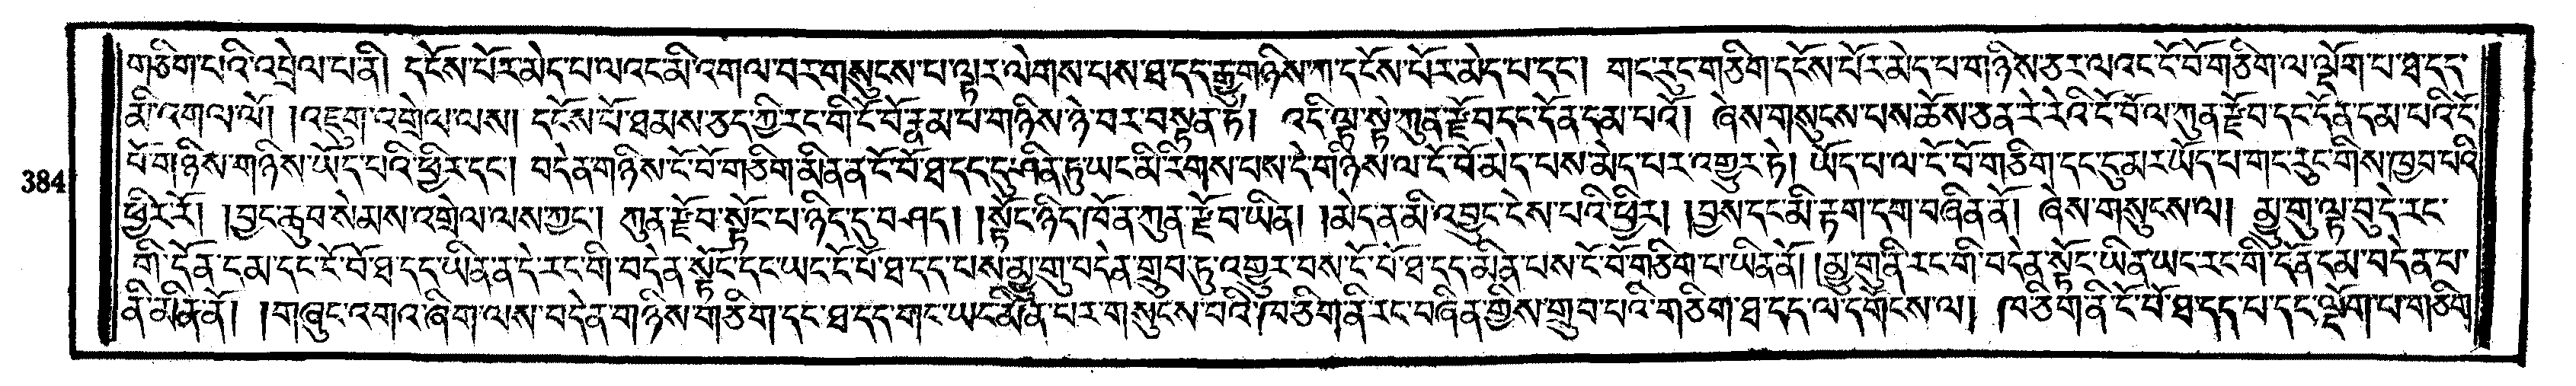གཅིག་པའི་འབྲེལ་པ་ནི། དངོས་པོར་མེད་པ་ལའང་མི་འགལ་བར་གསུངས་པ་ལྟར་ལེགས་པས་ཐ་དད་རྒྱུ་གཉིས་ཀ་དངོས་པོར་མེད་པ་དང་། གང་རུང་གཅིག་དངོས་པོར་མེད་པ་གཉིས་ཅར་ལའང་ངོ་བོ་གཅིག་ལ་ལྡོག་པ་ཐ་དད་
མི་འགལ་ལོ། །འཇུག་འགྲེལ་ལས། དངོས་པོ་ཐམས་ཅད་ཀྱི་རང་གི་ངོ་བོ་རྣམ་པ་གཉིས་ཉེ་བར་བསྟན་ཏེ། འདི་ལྟ་སྟེ་ཀུན་རྫོབ་དང་དོན་དམ་པའོ། ཞེས་གསུངས་པས་ཆོས་ཅན་རེ་རེའི་ངོ་བོ་ལ་ཀུན་རྫོབ་དང་དོན་དམ་པའི་ངོ་
པོ་གཉིས་གཉིས་ཡོད་པའི་ཕྱིར་དང་། བདེན་གཉིས་ངོ་བོ་གཅིག་མིན་ན་ངོ་བོ་ཐ་དད་དུ་ཤིན་ཏུ་ཡང་མི་རིགས་པས་དེ་གཉིས་ལ་ངོ་བོ་མེད་པས་མེད་པར་འགྱུར་ཏེ། ཡོད་པ་ལ་ངོ་བོ་གཅིག་དང་དུ་མར་ཡོད་པ་གང་རུང་གིས་ཁྱབ་པའི་
ཕྱིར་རོ། །བྱང་ཆུབ་སེམས་འགྲེལ་ལས་ཀྱང་། ཀུན་རྫོབ་སྟོང་པ་ཉིད་དུ་བཤད། །སྟོང་ཉིད་ཁོ་ན་ཀུན་རྫོབ་ཡིན། །མེད་ན་མི་འབྱུང་ངེས་པའི་ཕྱིར། །བྱས་དང་མི་རྟག་དག་བཞིན་ནོ། ཞེས་གསུངས་ལ། མྱུ་གུ་ལྟ་བུ་དེ་རང་
གི་དོན་དམ་དང་ངོ་བོ་ཐ་དད་ཡིན་ན་དེ་རང་གི་བདེན་སྟོང་དང་ཡང་ངོ་པོ་ཐ་དད་པས་མྱུ་གུ་བདེན་གྲུབ་ཏུ་འགྱུར་བས་ངོ་བོ་ཐ་དད་མིན་པས་ངོ་བོ་གཅིག་པ་ཡིན་ནོ། །མྱུ་གུ་ནི་རང་གི་དོན་དམ་བདེན་པ་
ནི་མིན་ནོ། །གཞུང་འགའ་ཞིག་ལས་བདེན་གཉིས་གཅིག་དང་ཐ་དད་གང་ཡང་མིན་པར་གསུངས་པའི་ཁ་ཅིག་ནི་རང་བཞིན་གྱིས་གྲུབ་པའི་གཅིག་ཐ་དད་ལ་དགོངས་ལ། ཁ་ཅིག་ནི་ངོ་བོ་ཐ་དད་པ་དང་ལྡོག་པ་གཅིག་